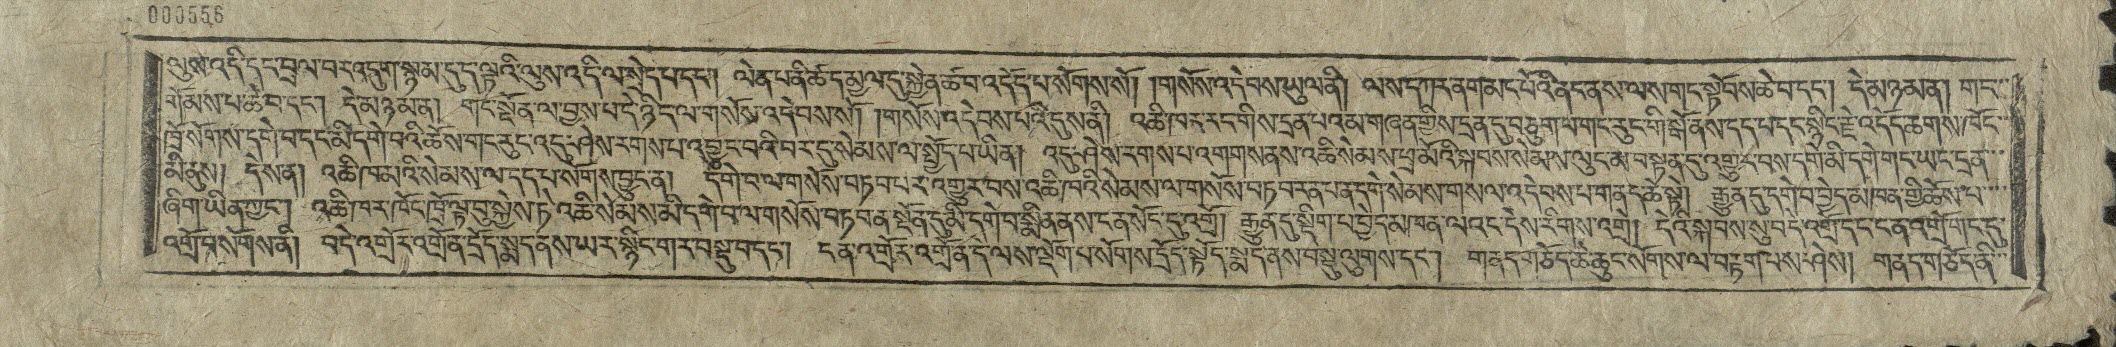ལུས་འདི་དང་བྲལ་བར་འདུག་སྙམ་དུ་ད་ལྟའི་ལུས་འདི་ལ་སྲེད་པ་དང་། ལེན་པ་ནི་ཚ་དམྱལ་དུ་སྐྱེན་ཚ་བ་འདོད་པ་སོགས་སོ། །གསོས་འདེབས་ཡུལ་ནི། ལས་དཀར་ནག་མང་པོའི་ནང་ནས་ལས་གང་སྟོབས་ཆེ་བ་དང་། དེ་མཉམ་ན། གང་
གོམས་པ་ཆེ་བ་དང་། དེ་མཉམ་ན། གང་སྔོན་ལ་བྱས་པ་དེ་ཉིད་ལ་གསོས་འདེབས་སོ། །གསོས་འདེབས་པའི་དུས་ནི། འཆི་ཁར་རང་གིས་དྲན་པའམ་གཞན་གྱིས་དྲན་དུ་བཅུག་པ་གང་རུང་གི་སྒོ་ནས་དད་པ་དང་སྙིང་རྗེ་འདོད་ཆགས་ཁོང་
ཁྲོ་སོགས་དགེ་བ་དང་མི་དགེ་བའི་ཆོས་གང་རུང་འདུ་ཤེས་རགས་པ་འབྱུང་བའི་བར་དུ་སེམས་ལ་སྤྱོད་པ་ཡིན། འདུ་ཤེས་རགས་པ་འགགས་ནས་འཆི་སེམས་ཕྲ་མོའི་སྐབས་སེམས་ལུང་མ་བསྟན་དུ་འགྱུར་བས་དགེ་མི་དགེ་གང་ཡང་དྲན་
མི་ནུས། དེས་ན། འཆི་ཁ་མའི་སེམས་ལ་དད་པ་སོགས་བྱུང་ན། དགེ་བ་ལ་གསོས་བཏབ་པར་འགྱུར་བས་འཆི་ཁའི་སེམས་ལ་གསོས་བཏབ་རན་པ་ན་དགེ་སེམས་གསལ་འདེབས་པ་གནད་ཆེ་སྟེ། རྒྱུན་དུ་དགེ་བ་བྱེད་མཁན་གྱི་ཆོས་པ་
ཞིག་ཡིན་ཀྱང་། འཆི་ཁར་ཁོང་ཁྲོ་ལྟ་བུ་སྐྱེས་ཏེ་འཆི་སེམས་མི་དགེ་བ་ལ་གསོས་བཏབ་ན་སྔོན་དུ་མི་དགེ་བ་སྨིན་ནས་ངན་སོང་དུ་འགྲོ། རྒྱུན་དུ་སྡིག་པ་བྱེད་མཁན་ལའང་དེས་རིགས་འགྲེ། དེའི་སྐབས་སུ་བདེ་འགྲོ་དང་ངན་འགྲོ་གང་དུ་
འགྲོ་བ་སོགས་ནི། བདེ་འགྲོར་འགྲོ་ན་དྲོད་སྨད་ནས་ཡར་སྙིང་གར་བསྡུ་བ་དང་། ངན་འགྲོར་འགྲོ་ན་དེ་ལས་ལྡོག་པ་སོགས་དྲོད་སྟོད་སྨད་ནས་བསྡུ་ལུགས་དང་། གནད་གཅོད་ཆེ་ཆུང་སོགས་ལ་བརྟག་པས་ཤེས། གནད་གཅོད་ནི་